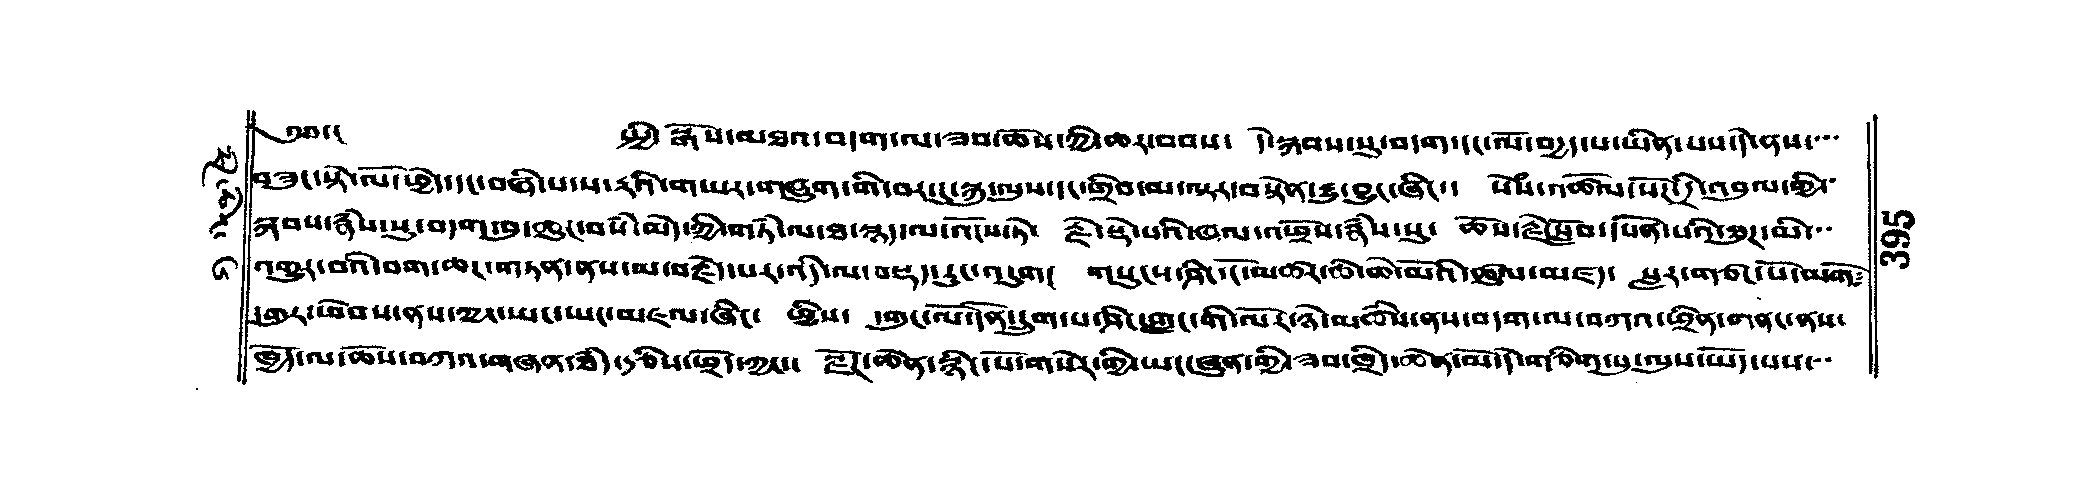སྤྱི་སྒོས་མཐའ་བདག་ལ་ཟབ་ཆོས་ཀྱི་ཆར་བབས། དེ་སྐབས་སུ་བདག་རང་ལོ་བརྒྱད་པ་ཡིན་པས་དེ་ནས་
བཟུང་སྟེ་ལོ་ཕྱེད་དང་བཞི་པ་ས་རྟའི་གཡར་གཞུག་གི་བར་དུ་སྐུ་ལུས་དང་གྲིབ་མ་ལྟར་བསྟེན་རྒྱུ་བྱུང་ཞིང་། སེམས་འཚོལ་སོགས་དྲི་འབུལ་གྱི་
སྐབས་རྣམས་སུ་བདག་བུ་ཆུང་བསམ་མེད་ཀྱི་གཏམ་ལ་ཐ་སྙད་གལ་འོང་སྟེ། རྗེ་སྡེ་པའི་ཞལ་འཕྲོས་རྣམས་སུ། ཆོས་རྗེ་སློབ་དཔོན་པའི་ཐུགས་མི་
འགྱུར་བའི་བག་ཆགས་གཏན་ནས་མ་བརྗེད་པར་འདི་ལ་བསྡད་འདུག གསུངས་ཤིང་ངོ་མཚར་ཆེ་ཆེ་མོའི་ཚུལ་མཛད། སླར་གཙང་པོ་མགོ་
དགུར་ཕེབས་ནས་ཀྱང་ཡང་ཡང་མཇལ་ཞིང་། ཕྱིས་དགུང་ལོ་དོན་དྲུག་པ་ཤིང་གླང་གི་ལོར་ཉེ་མཚམས་ནས་བདག་ལ་བཀའ་ཕྲིན་གནང་ནས་
ཁྱོད་ལ་ཆོས་བཀའ་གཞན་ཐམས་ཅད་རྩིས་ཕྲོད་ཀྱང་། རྫོགས་ཆེན་སྙིང་པོ་གསེར་གྱི་ཡང་ཞུན་གྱི་ཟབ་ཁྲིད་ཆེན་མོ་དེ་གཅིག་པུ་ལུས་ཡོད་པས་